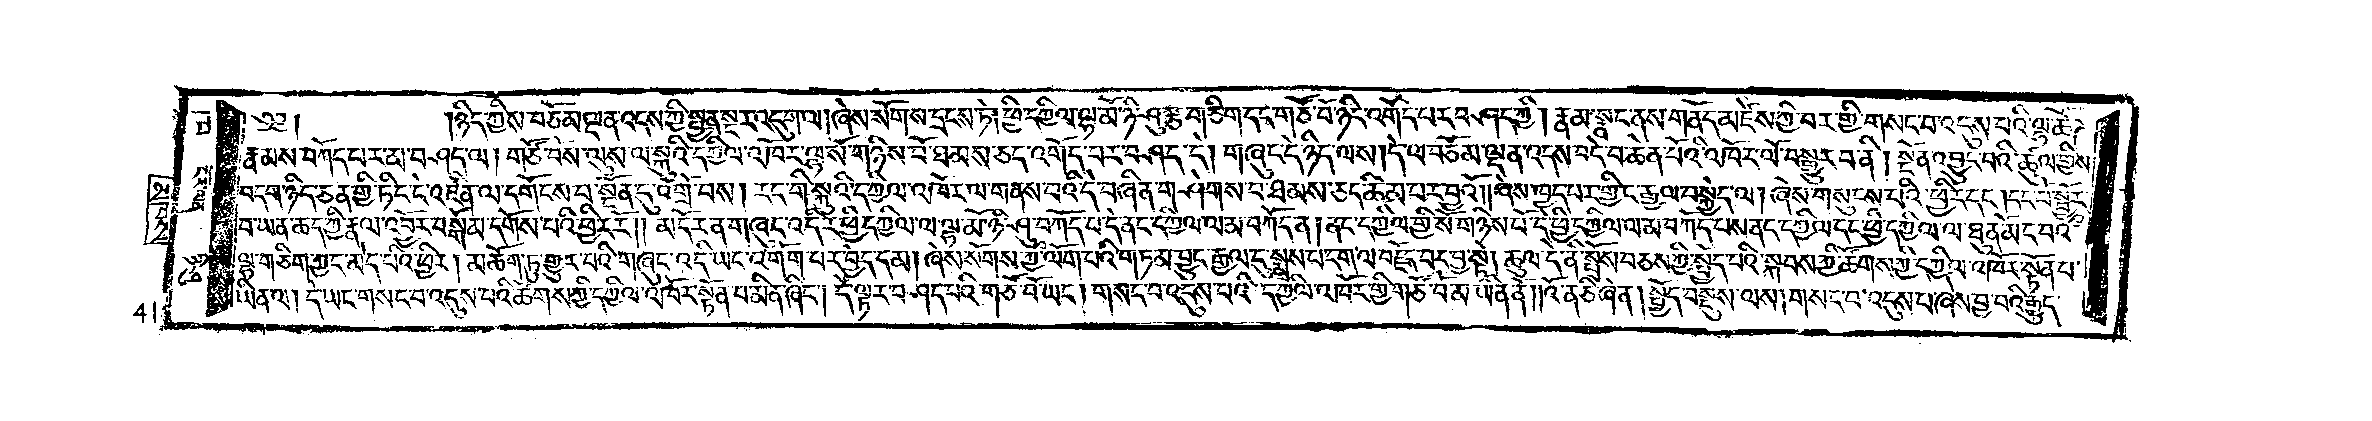༄༅། །ཉིད་ཀྱིས་བཅོམ་ལྡན་འདས་ཀྱི་སྤྱན་སྔར་འདུག་ལ། ཞེས་སོགས་དྲངས་ཏེ། ཕྱི་དཀྱིལ་ལྷ་མོ་ཉི་ཤུ་རྩ་གཅིག་དང་གཙོ་བོ་ཉིད་འགོད་པར་བཤད་ཀྱི། རྣམ་སྣང་ནས་གནོད་མཛེས་ཀྱི་བར་གྱི་གསང་བ་འདུས་པའི་ལྷ་ཚོགས་
རྣམས་བཀོད་པར་མ་བཤད་ལ། གཙོ་བོས་ལུས་ལ་སྐུའི་དཀྱིལ་འཁོར་ལྷ་སོ་གཉིས་བོ་ཐམས་ཅད་འགོད་པར་བཤད་དེ། གཞུང་དེ་ཉིད་ལས། དེ་ལ་བཅོམ་ལྡན་འདས་བདེ་བ་ཆེན་པོའི་འཁོར་ལོ་བསྒྱུར་བ་ནི། སྔོན་འབྱུང་བའི་ཚུལ་གྱིས་
བདག་ཉིད་ཅན་གྱི་ཏིང་ངེ་འཛིན་ལ་དགོངས་བ་སྔོན་དུ་འགྲོ་བས། རང་གི་སྐུའི་དཀྱིལ་འཁོར་ལ་གནས་པའི་དེ་བཞིན་གཤེགས་པ་ཐམས་ཅད་ཚིམ་པར་བྱའོ། །ཞེས་ཁྱད་པར་གྱི་ང་རྒྱལ་བསྐྱེད་ལ། ཞེས་གསུངས་པའི་ཕྱིར་དང་། དང་པོ་སྦྱོར་
བ་ཡན་ཆད་ཀྱི་རྣལ་འབྱོར་བསྒོམ་དགོས་པའི་ཕྱིར་རོ། །མདོར་ན་གཞུང་འདིར་ཕྱི་དཀྱིལ་ལ་ལྷ་མོ་ཉིད་ཤུ་བཀོད་པ་དེ་ནང་དཀྱིལ་ལ་མ་བཀོད་ན། ནང་དཀྱིལ་གྱི་སོ་གཉིས་པོ་དེ་ཕྱི་དཀྱིལ་ལ་མ་བཀོད་པས་ནང་དཀྱིལ་དང་ཕྱི་དཀྱིལ་ལ་ཐུན་མོང་བའི་
ལྷ་གཅིག་ཀྱང་མེད་པའི་ཕྱིར། མཆོག་ཏུ་གྱུར་པའི་གཞུང་འདི་ཡང་འགོག་པར་བྱེད་དམ། ཞེས་སོགས་ཀྱི་ལོག་པའི་གཏམ་བྱུང་རྒྱལ་དུ་སྨྲས་པ་དག་ལ་བརྗོད་པར་བྱ་སྟེ། ཚུལ་དེ་ནི་སྤྲོས་བཅས་ཀྱི་སྤྱོད་པའི་སྐབས་ཀྱི་ཚོགས་ཀྱི་དཀྱིལ་འཁོར་སྟོན་པ་
ཡིན་ལ། དེ་ཡང་གསང་བ་འདུས་པའི་ཚོགས་ཀྱི་དཀྱིལ་འཁོར་སྟོན་པ་མིན་ཞིང་། དེ་ལྟར་བཤད་པའི་གཙོ་བོ་ཡང་། གསང་བ་འདུས་པའི་དཀྱིལ་འཁོར་གྱི་གཙོ་བོ་མ་ཡིན་ནོ། །འོ་ན་ཅི་ཞེ་ན། སྤྱོད་བསྡུས་ལས། གསང་བ་འདུས་པ་ཞེས་བྱ་བའི་རྒྱུད་